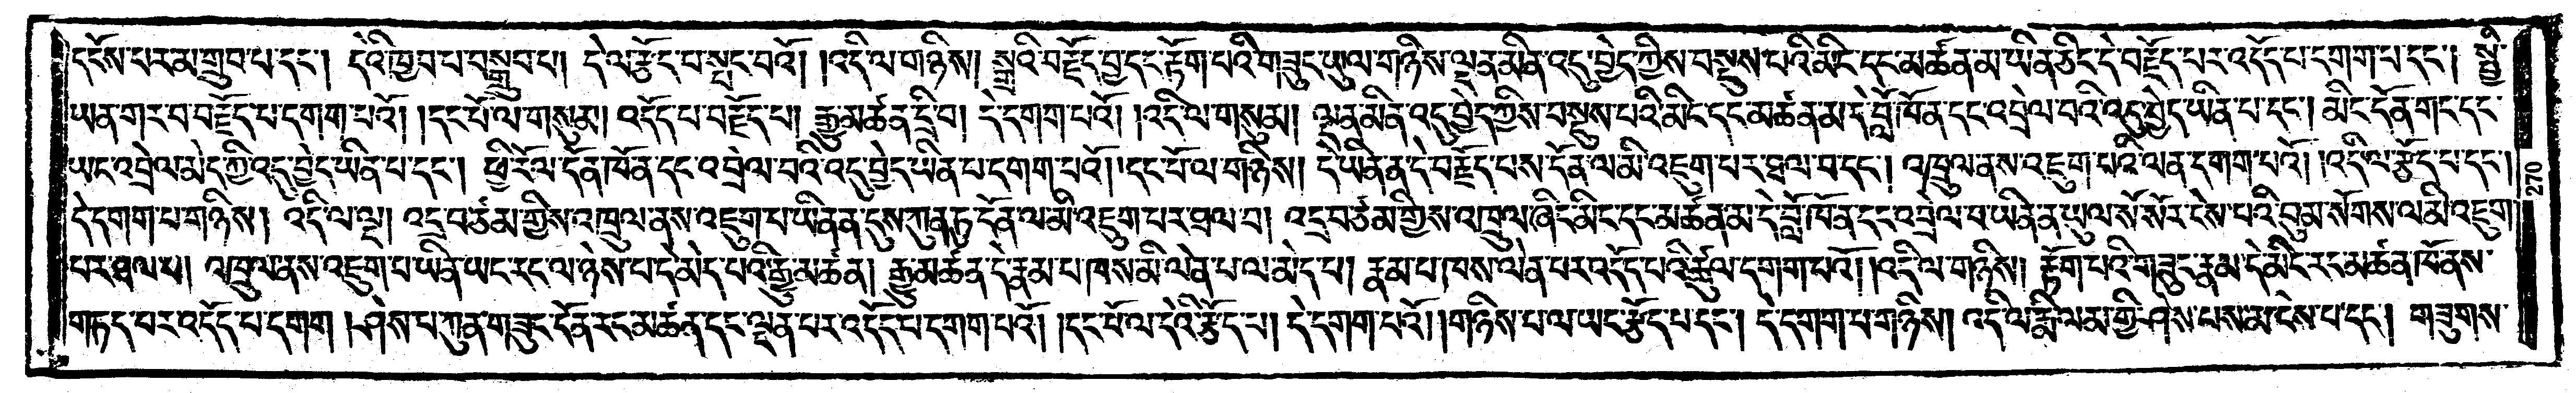དངོས་པར་མ་གྲུབ་པ་དང་། དེའི་ཁྱབ་པ་བསྒྲུབ་པ། དེ་ལ་རྩོད་པ་སྤང་བའོ། །འདི་ལ་གཉིས། སྒྲའི་བརྗོད་བྱ་དང་རྟོག་པའི་གཟུང་ཡུལ་གཉིས་ལྡན་མིན་འདུ་བྱེད་ཀྱིས་བསྡུས་པའི་མིང་དང་མཚན་མ་ཡིན་ཅིང་དེ་བརྗོད་པར་འདོད་པ་དགག་པ་དང་། སྤྱི་
ཡན་གར་བ་བརྗོད་པ་དགག་པའོ། །དང་པོ་ལ་གསུམ། འདོད་པ་བརྗོད་པ། རྒྱུ་མཚན་དྲི་བ། དེ་དགག་པའོ། །འདི་ལ་གསུམ། ལྡན་མིན་འདུ་བྱེད་ཀྱིས་བསྡུས་པའི་མིང་དང་མཚན་མ་དེ་བློ་ཁོ་ན་དང་འབྲེལ་བའི་འདུ་བྱེད་ཡིན་པ་དང་། མིང་དོན་གང་དང་
ཡང་འབྲེལ་མེད་ཀྱི་འདུ་བྱེད་ཡིན་པ་དང་། ཕྱི་རོལ་དོན་ཁོ་ན་དང་འབྲེལ་བའི་འདུ་བྱེད་ཡིན་པ་དགག་པའོ། །དང་པོ་ལ་གཉིས། དེ་ཡིན་ན་དེ་བརྗོད་པས་དོན་ལ་མི་འཇུག་པར་ཐལ་བ་དང་། འཁྲུལ་ནས་འཇུག་པའི་ལན་དགག་པའོ། །འདི་ལ་རྩོད་པ་དང་།
དེ་དགག་པ་གཉིས། འདི་ལ་ལྔ། འདྲ་བ་ཙམ་གྱིས་འཁྲུལ་ནས་འཇུག་པ་ཡིན་ན་དུས་ཀུན་ཏུ་དོན་ལ་མི་འཇུག་པར་ཐལ་བ། འདྲ་བ་ཙམ་གྱིས་འཁྲུལ་ཞིང་མིང་དང་མཚན་མ་དེ་བློ་ཁོ་ན་དང་འབྲེལ་པ་ཡིན་ན་ཡུལ་སོ་སོར་ངེས་པའི་བུམ་སོགས་ལ་མི་འཇུག་
པར་ཐལ་པ། འཁྲུལ་ནས་འཇུག་པ་ཡིན་ཡང་རང་ལ་ཉེས་པ་དེ་མེད་པའི་རྒྱུ་མཚན། རྒྱུ་མཚན་དེ་རྣམ་པ་ཁས་མི་ལེན་པ་ལ་མེད་པ། རྣམ་པ་ཁས་ལེན་པར་འདོད་པའི་ཚུལ་དགག་པའོ། །འདི་ལ་གཉིས། རྟོག་པའི་གཟུང་རྣམ་དེ་མིང་རང་མཚན་ཁོ་ནས་
གཏད་པར་འདོད་པ་དགག །ཤེས་པ་ཀུན་གཟུང་དོན་རང་མཚན་དང་ལྡན་པར་འདོད་པ་དགག་པའོ། །དང་པོ་ལ་དེའི་རྩོད་པ། དེ་དགག་པའོ། །གཉིས་པ་ལ་ཡང་རྩོད་པ་དང་། དེ་དགག་པ་གཉིས། འདི་ལ་རྨི་ལམ་གྱི་ཤེས་པས་མ་ངེས་པ་དང་། གཟུགས་